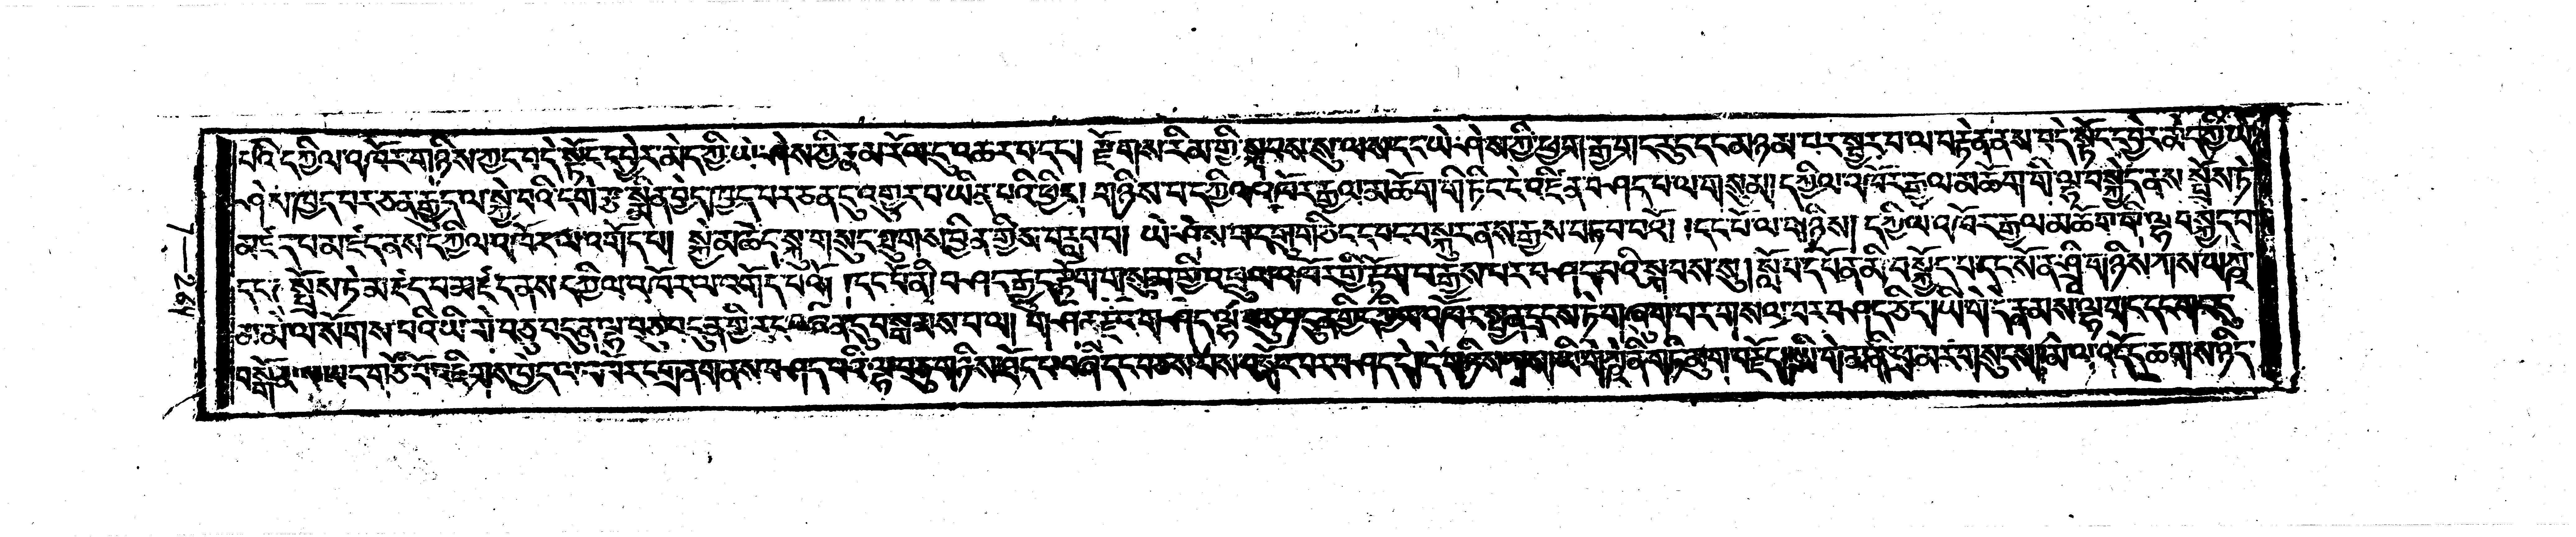པའི་དཀྱིལ་འཁོར་གཉིས་ཀྱང་བདེ་སྟོང་དབྱེར་མེད་ཀྱི་ཡེ་ཤེས་ཀྱི་རྣམ་རོལ་དུ་འཆར་པ་དང་། རྫོགས་རིམ་གྱི་སྐབས་སུ་ལས་དང་ཡེ་ཤེས་ཀྱི་ཕྱག་རྒྱ་གང་རུང་དང་མཉམ་པར་སྦྱར་བ་ལ་བརྟེན་ནས་བདེ་སྟོང་དབྱེར་མེད་ཀྱི་ཡེ་
ཤེས་ཁྱད་པར་ཅན་རྒྱུད་ལ་སྐྱེ་བའི་དགེ་རྩ་སྨིན་བྱེད་ཁྱད་པར་ཅན་དུ་འགྱུར་བ་ཡིན་པའི་ཕྱིར། གཉིས་པ་དཀྱིལ་འཁོར་རྒྱལ་མཆོག་གི་ཏིང་ངེ་འཛིན་བཤད་པ་ལ་གསུམ། དཀྱིལ་འཁོར་རྒྱལ་མཆོག་གི་ལྷ་བསྐྱེད་ནས་སྤྲོས་ཏེ་
མཛད་པ་མཛད་ནས་དཀྱིལ་འཁོར་ལ་འགོད་པ། སྐྱེ་མཆེད་སྐུ་གསུང་ཐུགས་བྱིན་གྱིས་བརླབ་པ། ཡེ་ཤེས་པ་དགུག་ཅིང་དབང་བསྐུར་ནས་རྒྱས་བཏབ་པའོ། །དང་པོ་ལ་གཉིས། དཀྱིལ་འཁོར་རྒྱལ་མཆོག་གི་ལྷ་བསྐྱེད་པ་
དང༑ སྤྲོས་ཏེ་མཛད་པ་མཛད་ནས་དཀྱིལ་འཁོར་ལ་འགོད་པའོ། །དང་པོ་ནི། བཤད་རྒྱུད་རྟོག་གསུམ་གྱི་འཕྲུལ་འཁོར་གྱི་རྟོག་པ་རྒྱས་པར་བཤད་པའི་སྐབས་སུ། སློབ་དཔོན་མི་བསྐྱོད་པ་དང་སོ་ན་ཤྲཱི་གཉིས་ཀས་ཡཀྵེ་
མ་མེ་ལ་སོགས་པའི་ཡི་གེ་བཅུ་བདུན་ལྷ་བཅུ་བདུན་གྱི་རང་བཞིན་དུ་བསྒོམས་པ་ལ། གཤིན་རྗེའི་གཤད་ལྷ་བཅུ་བདུན་གྱི་དཀྱིལ་འཁོར་སྤྱན་དྲངས་ཏེ་གཞུག་པར་གསལ་བར་བཤད་ཅིང་། ཡི་གེ་དེ་རྣམས་ལྷ་གང་དང་གང་དུ་
བསྒོམ་པ་ཡང་གཙོ་བོ་འཇིགས་བྱེད་ལ་འཁོར་དགྲ་ནག་ནས་བཤད་པའི་ལྷ་བཅུ་གཉིས་ཐོད་པ་བཞི་དང་བཅས་པས་བསྐོར་བར་བཤད་དེ། དེ་གཉིས་ཀས། ཡི་གེ་ཀྵེ་ནི་གཏི་མུག་བརྗོད། ཡི་གེ་མ་ནི་ཕྲ་མར་གསུངས། མེ་ལ་འདོད་ཆགས་ཉིད་